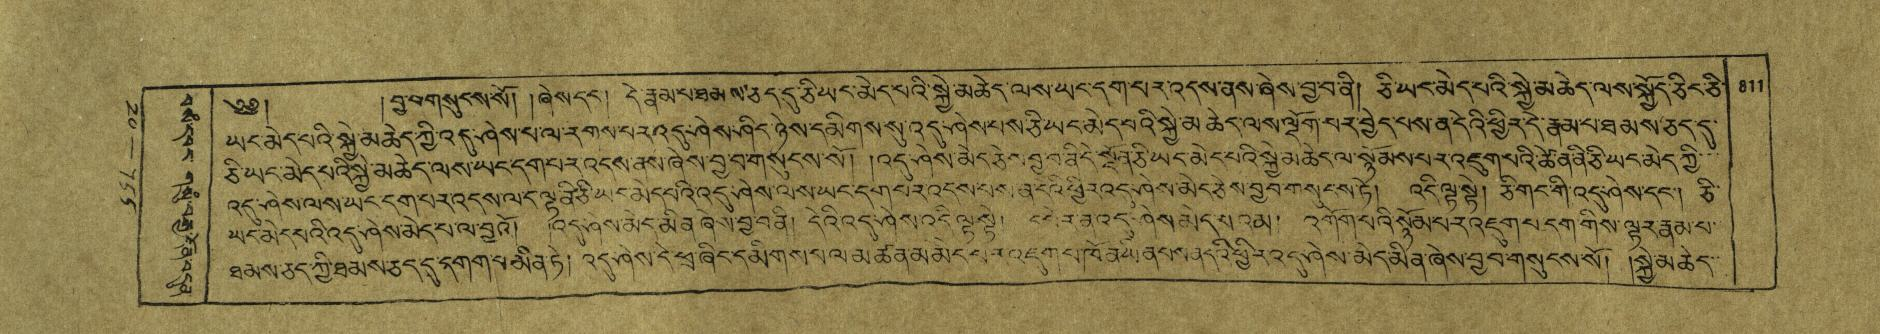༄༅། །བྱ་བ་གསུངས་སོ། །ཞེས་དང་། དེ་རྣམ་པ་ཐམས་ཅད་དུ་ཅི་ཡང་མེད་པའི་སྐྱེ་མཆེད་ལས་ཡང་དག་པར་འདས་ནས་ཞེས་བྱ་བ་ནི། ཅི་ཡང་མེད་པའི་སྐྱེ་མཆེད་ལས་སྐྱོད་ཅིང་ཅི་
ཡང་མེད་པའི་སྐྱེ་མཆེད་ཀྱི་འདུ་ཤེས་པ་ལ་རགས་པར་འདུ་ཤེས་ཤིང་ཉེས་དམིགས་སུ་འདུ་ཤེས་པས་ཅི་ཡང་མེད་པའི་སྐྱེ་མཆེད་ལས་ལྡོག་པར་བྱེད་པས་ན་དེའི་ཕྱིར་དེ་རྣམ་པ་ཐམས་ཅད་དུ་
ཅི་ཡང་མེད་པའི་སྐྱེ་མཆེད་ལས་ཡང་དག་པར་འདས་ནས་ཞེས་བྱ་བ་གསུངས་སོ། །འདུ་ཤེས་མེད་ཅེས་བྱ་བ་ནི་དེ་སྔོན་ཅི་ཡང་མེད་པའི་སྐྱེ་མཆེད་ལ་སྙོམས་པར་འཇུག་པའི་ཚེ་ན་ནི་ཅི་ཡང་མེད་ཀྱི་
འདུ་ཤེས་ལས་ཡང་དག་པར་འདས་ལ་ད་ལྟ་ནི་ཅི་ཡང་མེད་པའི་འདུ་ཤེས་ལས་ཡང་དག་པར་འདས་པས་ན་དེའི་ཕྱིར་འདུ་ཤེས་མེད་ཅེས་བྱ་བ་གསུངས་ཏེ། འདི་ལྟ་སྟེ། ཅི་གང་གི་འདུ་ཤེས་དང་། ཅི་
ཡང་མེད་པའི་འདུ་ཤེས་མེད་པ་ལ་བྱའོ། །འདུ་ཤེས་མེད་མིན་ཞེས་བྱ་བ་ནི། དེའི་འདུ་ཤེས་འདི་ལྟ་སྟེ། དཔེར་ན་འདུ་ཤེས་མེད་པ་འམ། འགོག་པའི་སྙོམ་པར་འཇུག་པ་དག་གིས་ལྟར་རྣམ་པ་
ཐམས་ཅད་ཀྱི་ཐམས་ཅད་དུ་དགག་པ་མིན་ཏེ། འདུ་ཤེས་དེ་ཕྲ་ཞིང་དམིགས་པ་ལ་མཚན་མ་མེད་པར་འཇུག་པ་ཁོ་ན་ཡིན་པས་ན་དེའི་ཕྱིར་འདུ་ཤེས་མེད་མིན་ཞེས་བྱ་བ་གསུངས་སོ། །སྐྱེ་མཆེད་